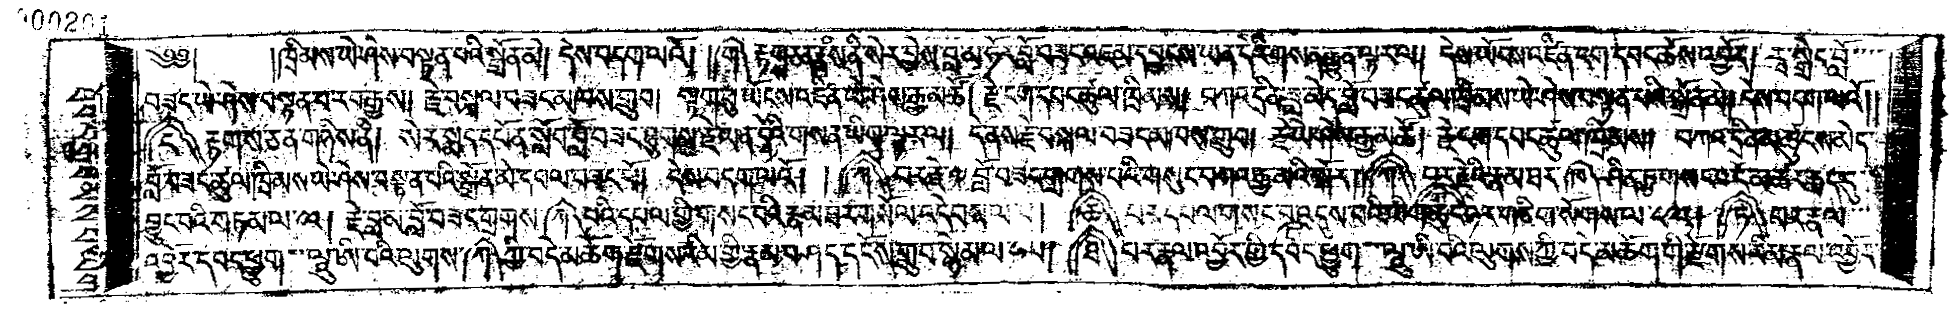༄༅། །ཁྲིམས་ཡེ་ཤེས་བསྟན་པའི་སྒྲོན་མེ། དེས་བདག་ལའོ། །༼ག༽ རྟགས་ཅན་རྣཾས་ནི་སེར་བྱེས་བླ་མ་ཧོར་བློ་བཟང་འཇམ་དབྱངས་ཡན་དེའི་གསན་རྒྱུན་ལྟར་ལ། དེས་ཡོངས་འཛིན་ངག་དབང་ཆོས་འབྱོར། རྭ་སྒྲེང་བློ་
བཟང་ཡེ་ཤེས་བསྟན་པ་རབ་རྒྱས། རྗེ་བསྐལ་བཟང་མཁས་གྲུབ། སྟག་ཕུ་ཡོངས་འཛིན་ཡེ་ཤེས་རྒྱ་མཚོ། རྗེ་ངག་དབང་ཚུལ་ཁྲིམས། བཀའ་དྲིན་ཟླ་མེད་བློ་བཟང་ཚུལ་ཁྲིམས་ཡེ་ཤེས་བསྟན་པའི་སྒྲོན་མེ། དེས་བདག་ལའོ། །
༼༽ང༼༽ རྟགས་ཅན་གཉིས་ནི། སེར་སྨད་དཔོན་སློབ་བློ་བཟང་ཐུགས་རྗེ་ཡན་དེའི་གསན་ཡིག་ལྟར་ལ། དེ་ནས་རྗེ་བསྐལ་བཟང་མཁས་གྲུབ། རྗེ་ཡེ་ཤེས་རྒྱ་མཚོ། རྗེ་ངག་དབང་ཚུལ་ཁྲིམས། བཀའ་དྲིན་མཚུངས་མེད་
བློ་བཟང་ཚུལ་ཁྲིམས་ཡེ་ཤེས་བསྟན་པའི་སྒྲོན་མེ་དཔལ་བཟང་པོ། དེས་བདག་ལའོ། །༼༽ཀ༼༽ བར་རྗེ ༧་བློ་བཟང་གྲགས་པའི་གསུང་བཀའ་རྒྱ་མའི་སྐོར། ༼༽ཀ༼༽ བར་རྗེའི་རྣམ་ཐར ༼ཁ༽ ཤིན་ཏུ་གསང་བ་ངོ་མཚར་རྨད་དུ་
བྱུང་བའི་གཏམ་ལ ༣། རྗེ་བླ་མ་བློ་བཟང་གྲགས ༼ཀ༽ པའི་དཔལ་གྱི་གསང་བའི་རྣམ་ཐར་གསོལ་འདེབས་ལ ༥། ༼༽ཆ༼༽ པར་དཔལ་གསང་བ་འདུས་པའི་ཡིག་ཆུང་ཉེར་གཅིག་སོགས་ལ ༨༣། ༼༽ཏ༼༽ བར་རྣལ་
འབྱོར་དབང་ཕྱུག་ལཱུ་ཨི་བའི་ལུགས ༼ཀ༽ ཀྱི་བདེ་མཆོག་རྫོགས་རིམ་གྱི་རྣམ་བཤད་དངོས་གྲུབ་སྙེམ་ལ ༦༥། ༼༽ཐ༼༽ བར་རྣལ་འབྱོར་གྱི་དབང་ཕྱུག་ལཱུ་ཨི་བའི་ལུགས་ཀྱི་བདེ་མཆོག་གི་རྫོགས་རིམ་རྣལ་འབྱོར་